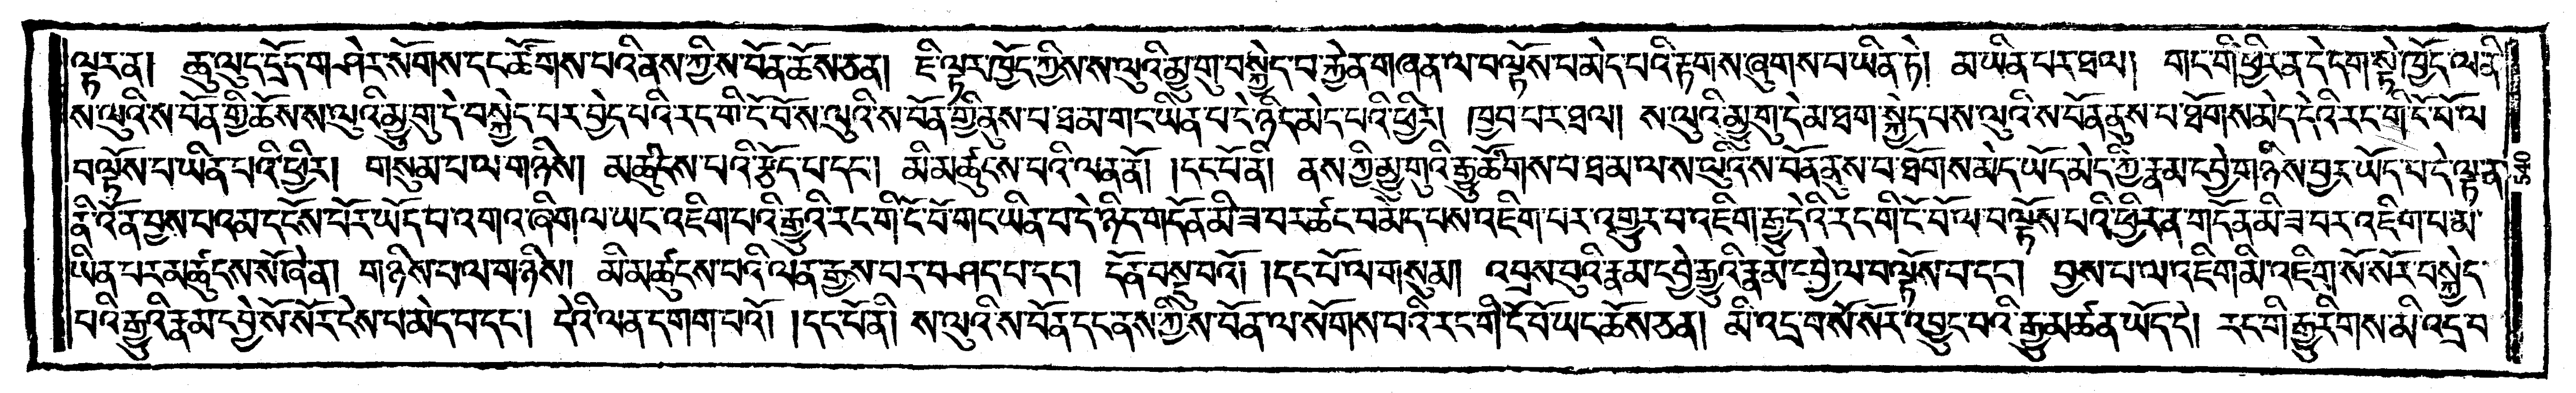ལྟར་ན། ཆུ་ལུད་དྲོད་གཤེར་སོགས་དང་ཚོགས་པའི་ནས་ཀྱི་ས་བོན་ཆོས་ཅན། ཇི་ལྟར་ཁྱོད་ཀྱིས་ས་ལུའི་མྱུ་གུ་བསྐྱེད་པ་རྐྱེན་གཞན་ལ་བལྟོས་པ་མེད་པའི་རྟགས་ཞུགས་པ་ཡིན་ཏེ། མ་ཡིན་པར་ཐལ། གང་གི་ཕྱིར་ན་དེ་དག་སྟེ་ཁྱོད་ལ་ནི་
ས་ལུའི་ས་བོན་གྱི་ཆོས་ས་ལུའི་མྱུ་གུ་དེ་བསྐྱེད་པར་བྱེད་པའི་རང་གི་ངོ་བོས་ལུའི་ས་བོན་གྱི་ནུས་པ་ཐ་མ་གང་ཡིན་པ་དེ་ཉིད་མེད་པའི་ཕྱིར། ཁྱབ་པར་ཐལ། ས་ལུའི་མྱུ་གུ་དེ་མ་ཐག་སྐྱེད་པས་ལུའི་ས་བོན་ནུས་པ་ཐོགས་མེད་དེའི་རང་གི་ངོ་བོ་ལ་
བལྟོས་པ་ཡིན་པའི་ཕྱིར། གསུམ་པ་ལ་གཉིས། མཚུངས་པའི་རྩོད་པ་དང་། མི་མཚུངས་པའི་ལན་ནོ། །དང་པོ་ནི། ནས་ཀྱི་མྱུ་གུའི་རྒྱུ་ཚོགས་པ་ཐ་མ་ལ་ས་ལུའི་ས་བོན་ནུས་པ་ཐོགས་མེད་ཡོད་མེད་ཀྱི་རྣམ་དབྱེ་གཉིས་བྱར་ཡོད་པ་དེ་ལྟ་ན་
ནི་འོ་ན་བྱས་པའམ་དངོས་པོར་ཡོད་པ་འགའ་ཞིག་ལ་ཡང་འཇིག་པའི་རྒྱུའི་རང་གི་ངོ་བོ་གང་ཡིན་པ་དེ་ཉིད་གདོན་མི་ཟ་བར་ཚང་བ་མེད་པས་འཇིག་པར་འགྱུར་བ་འཇིག་རྒྱུ་དེའི་རང་གི་ངོ་བོ་ལ་བལྟོས་པའི་ཕྱིར་ན་གདོན་མི་ཟ་བར་འཇིག་པ་མ་
ཡིན་པར་མཚུངས་སོ་ཞེ་ན། གཉིས་པ་ལ་གཉིས། མི་མཚུངས་པའི་ལན་རྒྱས་པར་བཤད་པ་དང་། དོན་བསྡུ་བའོ། །དང་པོ་ལ་གསུམ། འབྲས་བུའི་རྣམ་དབྱེ་རྒྱུའི་རྣམ་དབྱེ་ལ་བལྟོས་པ་དང་། བྱས་པ་ལ་འཇིག་མི་འཇིག་སོ་སོར་བསྐྱེད་
པའི་རྒྱུའི་རྣམ་དབྱེ་སོ་སོར་ངེས་པ་མེད་པ་དང་། དེའི་ལན་དགག་པའོ། །དང་པོ་ནི། ས་ལུའི་ས་བོན་དང་ནས་ཀྱི་ས་བོན་ལ་སོགས་པའི་རང་གི་ངོ་བོ་ཡང་ཆོས་ཅན། མི་འདྲ་བ་སོ་སོར་འབྱུང་བའི་རྒྱུ་མཚན་ཡོད་དེ། རང་གི་རྒྱུ་རིགས་མི་འདྲ་བ་